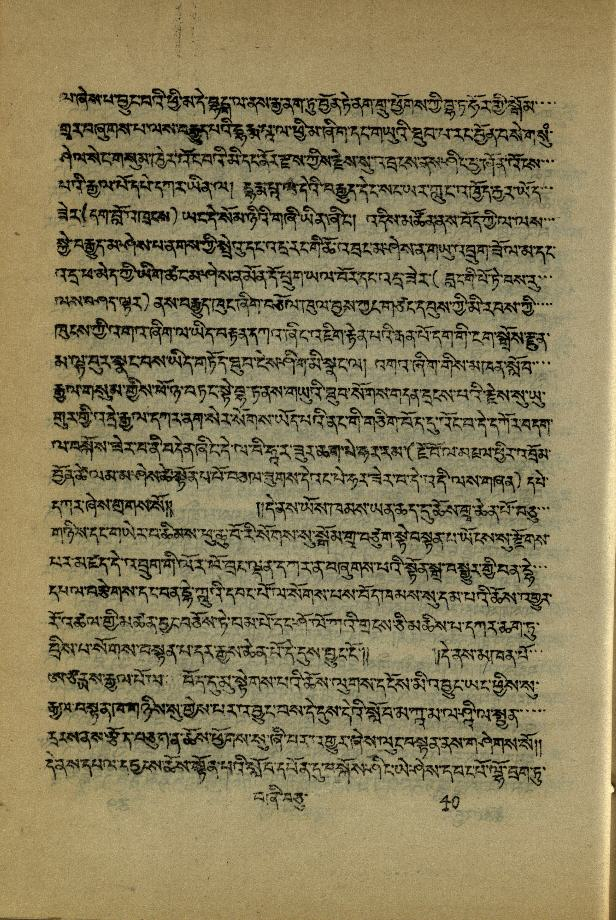ལ་ཞེས་པ་བྱུང་བའི་ཕྱི་མ་དེ་བྷངག་ལ་ནས་རྒྱ་ནག་ཏུ་བྱོན་ཏེ་ནག་གྲུ་ཕྱོགས་ཀྱི་བྷ་ཏ་ཧོར་གྱི་སྒོམ་
གྲྭར་བཞུགས་པ་ལས་བརྒྱུད་པའི་དྷརྨ་པཱ་ལ་ཕྱི་མ་ཞིག་དང་གཡུའི་ཐུབ་པ་རང་བྱོན་བསེ་གསུཾ་
ཤེལ་སེང་གསུམ་ཁྱེར་འོང་བའི་མི་དང་ནོར་རྫས་ཀྱིས་རྗེས་སུ་འབྲངས་ནས་ཤིང་བྱ་གཞོན་འོངས་
པའི་རྒྱལ་པོ་དཔེ་དཀར་ཡིན་ལ། དྷརྨ་པཱ་ལ་དེའི་རྒྱུད་དེང་སང་ཡར་ཀླུང་འཁྱོད་རྐྱར་ཡོད་
ཟེར་དག་བློ་འཁྲུངས་ཡང་དེ་སོམ་ཉིའི་གཞི་ཡིན་ཞིང་། འདིས་མཚོན་ནས་བོད་ཀྱི་ལ་ལས་
སྐྱེ་བརྒྱུད་མ་ཤེས་པ་ནགས་ཀྱི་སྤྲེའུ་དང་འདྲ་རང་གི་ཆོས་འབྲང་མ་ཤེས་ན་གཡུ་འབྲུག་ཟོལ་མ་དང་
འདྲ་ཕ་མེད་ཀྱི་ཡིག་ཚང་མ་ཤེས་ན་མོན་དོ་ཕྲུག་ཡལ་བོར་དང་འདྲ་ཟེར་བླང་གི་ཏེ་བས་རུ་
ལས་བཤད་ལྟར་ནས་བརྒྱུད་ཁུང་ཞིག་བཅོལ་ཁུལ་བྱས་ཀྱང་གཙང་དབུས་ཀྱི་མི་རབས་ཀྱི་
ཁུངས་ཀྱི་འགའ་ཞིག་ལ་ཡིད་བརྟན་དཀའ་ཞིང་འཇིག་རྟེན་པའི་རྒན་པོ་དག་གི་ངག་སྒྲོས་རྫུན་
མ་ལྟ་བུར་སྣང་བས་ཡིད་གཏོད་ཐུབ་ངེས་ཤིག་མི་སྣང་ལ། འགའ་ཞིག་གིས་མཁན་སློབ་
རྒྱལ་གསུམ་གྱིས་ཕོ་ཉ་བཏང་སྟེ་བྷ་ཏ་ནས་གཡུའི་ཐུབ་སོགས་གདན་དྲངས་པའི་རྗེས་སུ་ཡུ་
གུར་གྱི་འདྲེ་རྒྱ་དཀར་ནག་སེར་སོགས་ཡོད་པའི་ནང་གི་གཅིག་བོད་དུ་འོང་བ་དེ་དཀོར་བདག་
ལ་བསྐོས་ཟེར་བ་ནི་བདེན་ཞིང་དེ་ལ་བི་ཧཱ་ར་ཟུར་ཆག་པེ་ཧར་རམ་ཇོ་བོ་ལ་མཇལ་ཕྱིར་འབྲོམ་
བྱོན་ཚེ་ལམ་མ་ཤེས་ཚེ་སྟོན་པ་པོ་བཅལ་ཟུགས་དེའང་པེ་ཧར་ཟེར་བ་དེ་འདི་ལས་གཞན་དཔེ་
དཀར་ཞེས་གྲགས་སོ།། །།དེ་ནས་ཡོད་ཁམས་ཡན་ཆད་དུ་ཆོས་གྲྭ་ཆེན་པོ་བཅུ་
གཉིས་དང་གཡེར་བ་ཆིམས་ཕུ་ཆུ་བོ་རི་སོགས་སི་སྒོམ་གྲྭ་གཙུག་སྟེ་བསྟན་པ་ཡོངས་སུ་རྫོགས་
པར་མཛད་དེ་འབྲུག་གི་ལོར་ཕོ་བྲང་ལྡན་དཀར་ན་བཞུགས་པའི་སྟོན་སྒྲ་བསྒྱུར་གྱི་བན་དྷེ་
དཔལ་བརྩེགས་དང་བན་དྷེ་ཀླུའི་དབང་པོ་ལ་སོགས་པས་བོད་ཁམས་སུ་དམ་པའི་ཆོས་འགྱུར་
རོ་འཚལ་གྱི་མཚན་བྱང་བཅོས་ཏེ་བམ་པོ་དང་ཤོ་ལོ་ཀའི་གྲངས་ཅི་མཆིས་པ་དཀར་ཆག་ཏུ་
བྲིས་པ་སོགས་བསྟན་པ་དར་རྒྱས་ཆེན་པོ་དེ་དུས་བྱུང་ངོ།། །།དེ་ནས་མཁན་པོ་
ཨ་ཙྲྱས་རྒྱལ་པོ་ལ། བོད་དུ་མུ་སྟེགས་པའི་ཆོས་ལུགས་དངོས་མི་འབྱུང་ཡང་ཕྱིས་སུ་
རྒྱལ་བསྟན་ཁ་གཉིས་སུ་གྱེས་པར་འབྱུང་བས་དེ་དུས་དེའི་སློབ་མ་ཀཱ་མ་ལ་ཤཱི་ལ་སྤྱན་
རླབས་ནས་རྩོན་བཅུག་ན་ཆོས་ཕྱོགས་སུ་ཞི་བར་འགྱུར་ཞེས་ལུང་བསྟན་ནས་གཤེགས་སོ།།
དེ་ནས་དཔལ་དབྱངས་ཆོས་སྟོན་པའི་སློབ་དཔོན་དུ་བསྐོས་ཤིང་ཡེ་ཤེས་དབང་པོ་ལྷོ་བྲག་ཏུ་